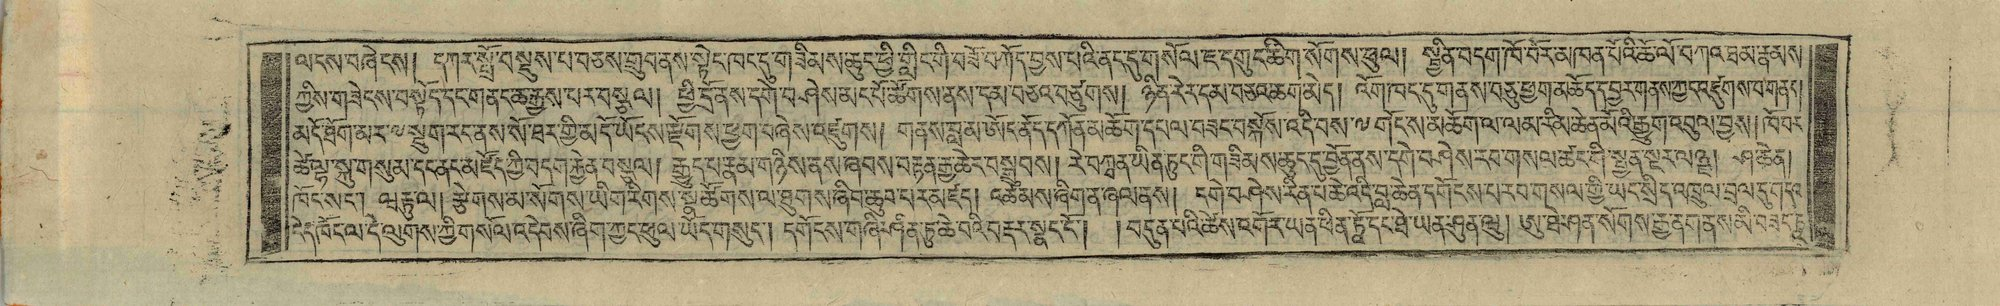ལངས་བཞེངས། དཀར་སྤྲོ་བསྡུས་པ་བཅས་གྲུབ་ནས་སྟེང་ཁང་དུ་གཟིམས་ཆུང་ཕྱི་གླིང་གི་བཟོ་བཀོད་བྱས་པའི་ནང་དུ་གསོལ་ཇ་དགུང་ཚིག་སོགས་ཕུལ། སྦྱིན་བདག་ཁོ་བོར་མཁན་པོའི་ཆོ་ལོ་བཀའ་ཐམ་རྣམས་
ཀྱིས་གཟེངས་བསྟོད་དང་གནང་ཆ་རྒྱས་པར་བསྩལ། ཕྱི་དྲོ་ནས་དགེ་བཤེས་མང་པོ་ཚོགས་ནས་དམ་བཅའ་བཙུགས། ཉིན་རེར་དམ་བཅའ་ཆག་མེད། འོག་ཁང་དུ་གནས་བཅུ་ཕྱག་མཆོད་དབྱར་གནས་ཀྱང་འཛུགས་པ་གནང་།
མདོ་ཐོག་མར་༧སྤུག་རང་ནས་སོ་ཐར་གྱི་མདོ་ཡོངས་རྫོགས་ཕྱག་བཞེས་འཛུགས། གནས་བླ་མ་ཨོང་ནོད་དཀོན་མཆོག་དཔལ་བཟང་བསྐོས་འདི་བས་༧གོང་ས་མཆོག་ལ་ལམ་རིམ་ཆེན་མོའི་རྒྱུག་འབུལ་བྱས། ཁོ་བར་
ཚེ་ལྷ་སྐུ་གསུམ་དང་ནང་མཛོད་ཀྱི་བདག་རྐྱེན་བསྩལ། རྒྱུད་པ་རྣམ་གཉིས་ནས་ཞབས་བརྟན་རྒྱ་ཆེར་བསྒྲུབས། རེ་བཀྭན་ཡིན་ཏུང་གི་གཟིམས་ཆུང་དུ་བྱོན་ནས་དགེ་བཤེས་རབ་གསལ་ཚང་གི་སྤྱན་སྔར་ལཉྫ། ཤ་ཆེན།
ཁོང་སང་། ཝ་རྟུལ། རྩེགས་མ་སོགས་ཡིག་རིགས་སྣ་ཚོགས་ལ་ཐུགས་ཞིབ་ཆུབ་པར་མཛད། འཚམས་ཞིག་ན་ཞལ་ནས། དགེ་བཤེས་རིན་པོ་ཆེ་འདི་བླ་ཆེན་དགོངས་པ་རབ་གསལ་གྱི་ཡང་སྲིད་འཁྲུལ་བྲལ་དུ་གདའ་
ངེད་ཁོང་ལ་དེ་ལུགས་ཀྱི་གསོལ་འདེབས་ཞིག་ཀྱང་ཕུལ་ཡོད་གསུང་། དགོངས་གཞི་ཤིན་ཏུ་ཆེ་བའི་བརྡར་སྣང་ངོ། །བདུན་པའི་ཚེས་འགོར་ཡན་ཕིན་ཏO་དང་ཐེ་ཡན་ཤུན་ཝུ། ཨུ་ཐེ་ཤན་སོགས་རྒྱ་ནག་ནས་མི་བཟང་ཏཱ་